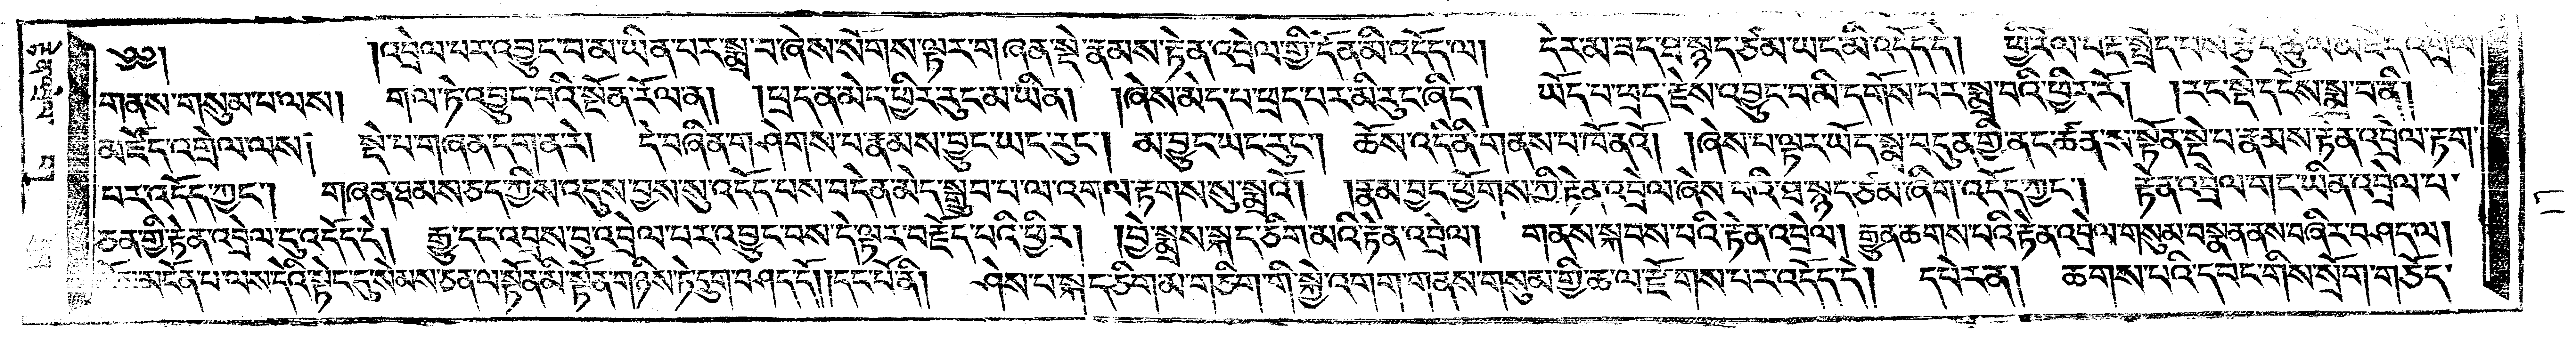༄༅། །འབྲེལ་པར་འབྱུང་བ་མ་ཡིན་པར་སྨྲ་བ་ཞེས་སོགས་ལྟར་གཞན་སྡེ་རྣམས་རྟེན་འབྲེལ་གྱི་དོན་མི་འདོད་ལ། དེར་མ་ཟད་ཐ་སྙད་ཙམ་ཡང་མི་འདོད་དེ། ཕྱི་རོལ་བརྡ་སྤྲོད་པས་རྩོད་ཚུལ་མཛོད་འགྲེལ་
གནས་གསུམ་པ་ལས། གལ་ཏེ་འབྱུང་བའི་སྔོན་རོལ་ན། །ཕྲད་ན་མེད་ཕྱིར་རུང་མ་ཡིན། །ཞེས་མེད་བ་ཕྲད་པར་མི་རུང་ཞིང་། ཡོད་པ་ཕྲད་རྗེས་འབྱུང་བ་མི་དགོས་པར་སྨྲ་བའི་ཕྱིར་རོ། །རང་སྡེ་དངོས་སྨྲ་བ་ནི།
མཛོད་འགྲེལ་ལས། སྡེ་པ་གཞན་དག་ན་རེ། དེ་བཞིན་གཤེགས་པ་རྣམས་བྱུང་ཡང་རུང་། མ་བྱུང་ཡང་རུང་། ཆོས་འདི་ནི་གནས་པ་ཁོ་ནའོ། །ཞེས་པ་ལྟར་ཡོད་སྨྲ་བདུན་གྱི་ནང་ཚན་ས་སྟོན་སྡེ་པ་རྣམས་རྟེན་འབྲེལ་རྟག་
པར་འདོད་ཀྱང་། གཞན་ཐམས་ཅད་ཀྱིས་འདུས་བྱས་སུ་འདོད་པས་བདེན་མེད་སྒྲུབ་པ་ལ་འགལ་རྟགས་སུ་སྨྲའོ། །རྣམ་བྱང་ཕྱོགས་ཀྱི་རྟེན་འབྲེལ་ཞེས་པའི་ཐ་སྙད་ཙམ་ཞིག་འདོད་ཀྱང་། རྟེན་འབྲེལ་གང་ཡིན་འབྲེལ་པ་
ཅན་གྱི་རྟེན་འབྲེལ་དུ་འདོད་དེ། རྒྱུ་དང་འབྲས་བུ་འབྲེལ་པར་འབྱུང་བས་དེ་ལྟར་བརྗོད་པའི་ཕྱིར། །བྱེ་སྨྲས་སྐད་ཅིག་མའི་རྟེན་འབྲེལ། གནས་སྐབས་པའི་རྟེན་འབྲེལ། རྒྱུན་ཆགས་པའི་རྟེན་འབྲེལ་གསུམ་བསྣན་ནས་བཞིར་བཤད་ལ།
ཆོས་མངོན་པ་ལས་དེའི་སྟེང་དུ་སེམས་ཅན་ལ་སྟོན་མི་སྟོན་གཉིས་ཏེ་དྲུག་བཤད་དོ། །དང་པོ་ནི། ཤེས་པ་སྐད་ཅིག་མ་གཅིག་གི་སྐྱེ་འགག་གནས་གསུམ་གྱི་ཆ་ལ་རྫོགས་པར་འདོད་དེ། དཔེར་ན། ཆགས་པའི་དབང་གིས་སྲོག་གཅོད་